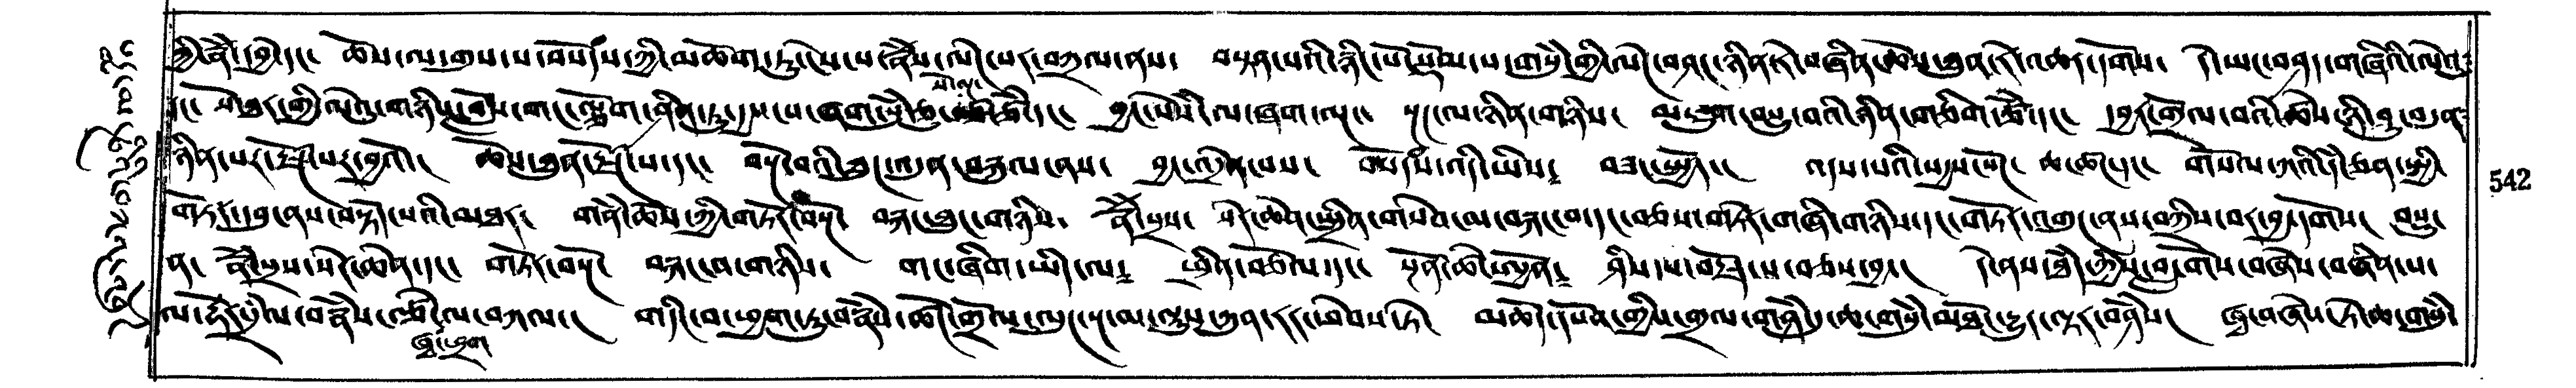ཀྱི་རྣམ་དབྱེ་དང་། ཆོས་ལ་གུས་པ་བསོད་ནམས་ཀྱི་མཆོག་ཏུ་ངེས་པ་རྣམས་ལེགས་པར་བཀྲལ་ནས། བསྟན་པའི་སྙིང་པོ་སྡོམ་པ་གསུམ་གྱི་ལེགས་བཤད་ཉིན་རེ་བཞིན་ཆོས་ཐུན་རེ་འཆད་དགོས། དེ་ཡང་བཤད་གཞིའི་ལེའུ་
དང་། སོ་ཐར་གྱི་ལེའུ་གཉིས་བློས་གང་ལྕོག་ཤིན་ཏུ་རྒྱས་པ་ཞག་སུམ་ཅུ་སོ་ལྔ་ཙམ་དང་། བྱང་སེམས་ལ་ཞག་ལྔ། སྔགས་ལ་ཉིན་གཉིས། མཇུག་བསྡུ་བའི་ཉིན་གཅིག་ཙམ་དང་། དབྱར་གྲོལ་བའི་ཚེས་ཉི་ཤུ་བདུན་
ཉིན་པར་རྫོགས་པར་བྱའོ།། ཆོས་ཐུན་རྫོགས་པ་དང་། བསྔོ་བའི་ཐུགས་འདུན་བསྐུལ་ནས། བྱང་འདྲེན་པས། བསོད་ནམས་འདི་ཡིས༴ བཟང་སྤྱོད། འདས་པའི་སངས་རྒྱས༴ སོགས་ཆ་ཚང་དང་། གསོལ་ཀའི་དམ་ཅན་སྤྱི་
གཏོར་དབུ་ནས་བསྟོད་པའི་མཐར། གནམ་ཆོས་ཀྱི་གཏོར་བསྔོ། བསྐང་ཐུང་གཉིས་རྣམ་སྲས། སེར་ཆེན་སྤྲིན་གསེབ་མ་བསྐང་བ་དང་བཅས་གཏེར་གཞི་གཉིས་དང་གཏོར་འགུགས་ནས་བཀྲ་ཤིས་བར་བྱ་དགོས། བསྡུ་
ན། རྣམ་སྲས་སེར་ཆེན་དང་། གཏོར་བསྔོ། བསྐང་བ་གཉིས། གང་ཞིག་ཡིད་ལ༴ ཕྲིན་བཅོལ་དང་། སྔོན་ཚེ་ཨོ་རྒྱན༴ ཤིས་པ་བརྗོད་པ་བཅས་བྱ། དེ་ནས་ཐམས་ཅད་ཀྱིས་བླ་གོས་བཞེས་བཞིན་པ་
ལ་རྡོར་དྲིལ་བསྣམས། རྩེ་ཞྭ་ཕྲག་ལ་བཀལ། གདིང་བ་ཕྱག་ཏུ་བསྣམས། ཚོགས་གྲོལ་ལུགས་སྔ་མ་ལྟ་བུས་ཀུན་རར་ཕེབས་ཏེ། མཆོད་དཔོན་གྱིས་གྲལ་གཤམ་དུ་ཆ་གསུམ་མཐོང་རྒྱུད་ལྟར་བཤམས། ཞྭ་བཞེས་ཏེ་ཆ་གསུམ་